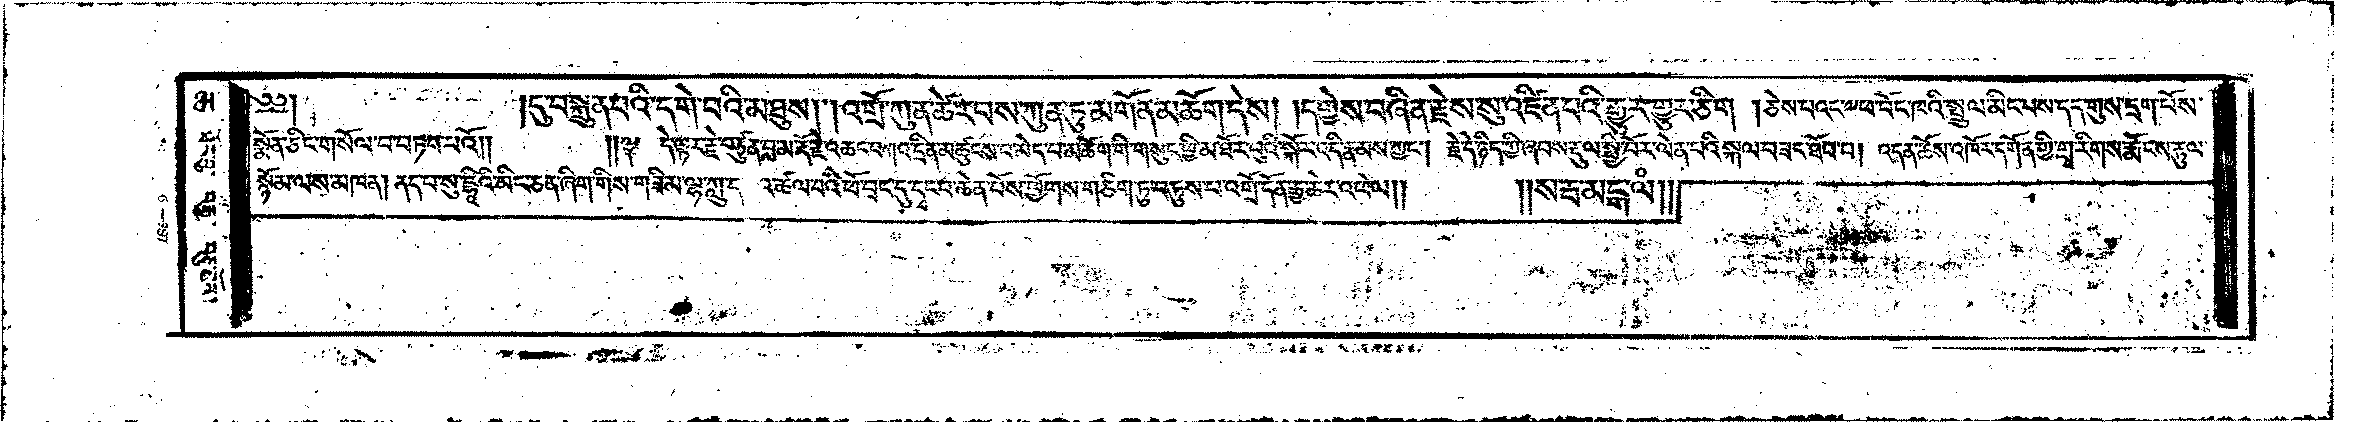༄༅། །དུ་བསྐྲུན་པའི་དགེ་བའི་མཐུས། །འགྲོ་ཀུན་ཚེ་རབས་ཀུན་ཏུ་མགོན་མཆོག་དེས། །དགྱེས་བཞིན་རྗེས་སུ་འཛིན་པའི་རྒྱུར་གྱུར་ཅིག །ཅེས་པའང ༧ཕ་བོང་ཁའི་སྤྲུལ་མིང་པས་དད་གུས་དྲག་པོས་
སྨོན་ཅིང་གསོལ་བ་བཏབ་པའོ།། །། ༈ དེ་ལྟར་རྗེ་བཙུན་བླ་མ་རྡོ་རྗེ་འཆང་བཀའ་དྲིན་མཚུངས་པ་མེད་པ་མཆོག་གི་གསུང་ཕྱི་མ་ཐོར་བུའི་སྐོར་འདི་རྣམས་ཀྱང་། རྗེ་དེ་ཉིད་ཀྱི་ཞབས་རྡུལ་སྤྱི་བོར་ལེན་པའི་སྐལ་བཟང་ཐོབ་བ། འདན་ཆོས་འཁོར་དགོན་གྱི་གྲྭ་རིགས་རྨོངས་རྟུལ་
སྙོམ་ལས་མཁན། ནད་པ་སུ་དྷཱིའི་མིང་ཅན་ཞིག་གིས་གཟིམ་ལྷ་ཀླུ་ད་འཚལ་བའི་ཕོ་བྲང་དུ་དྭང་བ་ཆེན་པོས་ཕྱོགས་གཅིག་ཏུ་བཏུས་པ་འགྲོ་དོན་རྒྱ་ཆེར་འཕེལ།། །།སརྦ་མངྒ་ལཾ།།